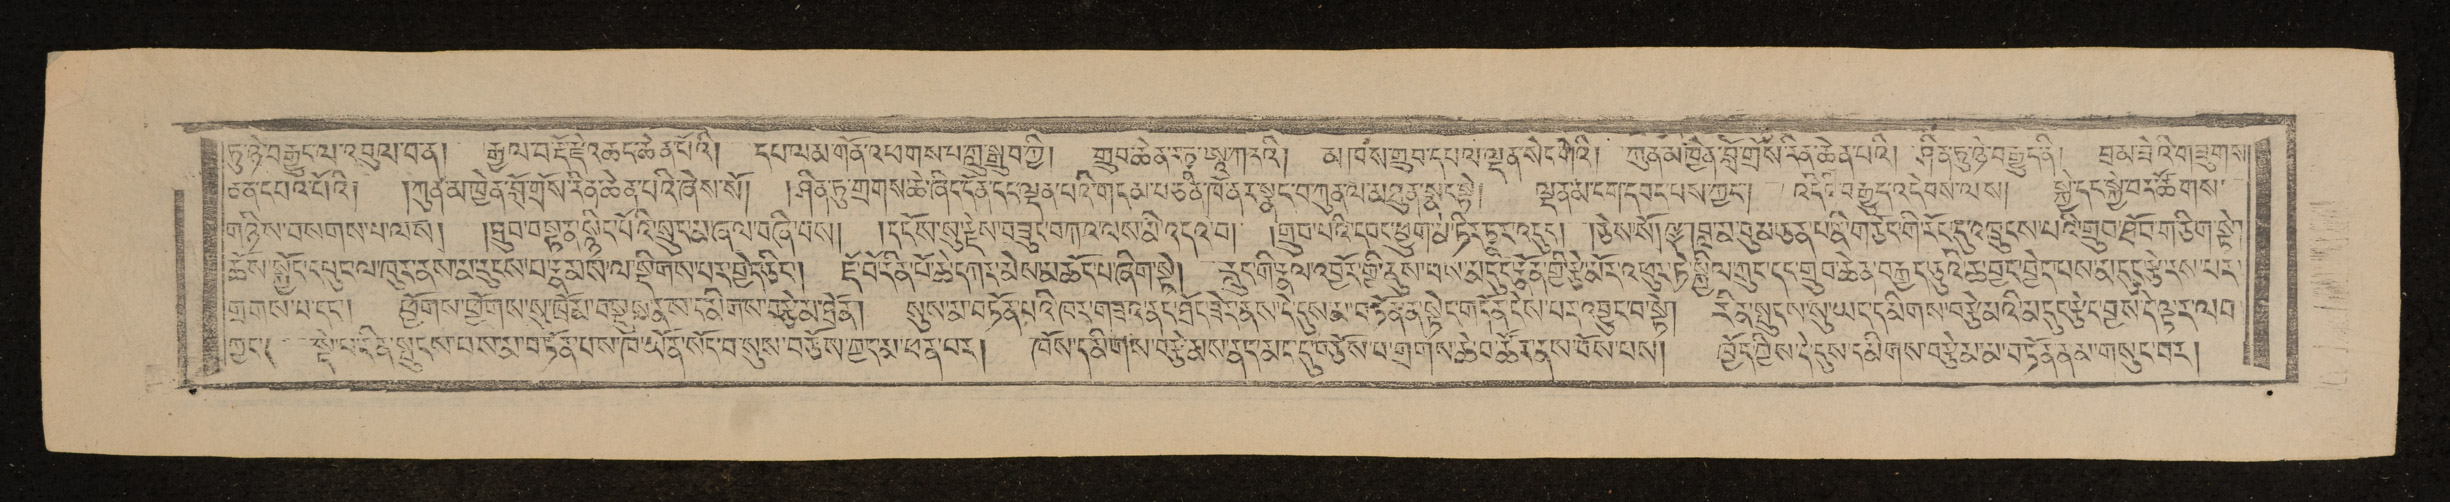ཏུ་ཉེ་བརྒྱུད་ལ་འབུལ་བ་ན། རྒྱལ་བ་རྡོ་རྗེ་འཆང་ཆེན་པོའི། དཔལ་མགོན་འཕགས་པ་ཀླུ་སྒྲུབ་ཀྱི། གྲུབ་ཆེན་རཏྣ་ཨཱ་ཀ་རའི། མཁས་གྲུབ་དཔལ་ལྡན་སེང་གེའི། ཀུན་མཁྱེན་བློ་གྲོས་རིན་ཆེན་བའི། ཤིན་ཏུ་ཉེ་བརྒྱུད་ནི། བྲམ་ཟེའི་གཟུགས་
ཅན་དབའ་པོའི། ཀུན་མཁྱེན་བློ་གྲོས་རིན་ཆེན་པའི་ཞེས་སོ། །ཤིན་ཏུ་གྲགས་ཆེ་ཞིང་དོན་དང་ལྡན་པའི་གདམ་པ་ཅན་ཁོ་ནར་སྣང་བ་ཀུན་ལ་མཐུན་སྣང་སྟེ། ལྡན་མ་ངག་དབང་པས་ཀྱང་། འདིའི་བརྒྱུད་འདེབས་ལས། སྐྱེ་དང་སྐྱེ་བར་ཚོགས་
གཉིས་བསགས་བ་ལས། །ཐུབ་བསྟན་སྙིང་པོའི་སྲུང་མ་ཞལ་བཞི་བས། །དངོས་སུ་རྗེས་བཟུང་བཀའ་ལས་མི་འདའ་བ། །གྲུབ་པའི་དབང་ཕྱུག་མ་ཏི་རཏྣར་འདུད། །ཅེས་སོ། ༈ །བླ་མ་བུམ་ཅན་པ་ནི་གཙང་གི་རོང་དུ་འཁྲུངས་པའི་གྲུབ་ཐོབ་གཅིག་སྟེ།
ཆོས་སྐྱོང་དཔུང་ལ་ཁུར་ནས་མ་རུངས་པ་རྣམས་ལ་སྡིགས་པར་བྱེད་ཅིང་། ཇོ་བོ་རིན་པོ་ཆེ་དཀར་མེས་མཆོད་པ་ཞིག་སྟེ། རླུང་གི་རྣལ་འབྱོར་གྱི་ནུས་པས་མདུད་རྣོན་གྱི་རྩེ་མོར་འཕུར་ཏེ་སྐྱིལ་ཀྲུང་དང་གྲུབ་ཆེན་བརྒྱད་ཅུའི་ཆ་བྱད་བྱེད་པས་མདུང་རྩེ་རས་པར་
གྲགས་པ་དང་། ཕྱོགས་ཕྱོགས་སུ་ཁྲོམ་བསྡུས་ནས་དམིགས་བརྩེ་མ་ཐོན། སུས་མ་བཏོན་པའི་ཁར་གཟའ་ནད་ཐོང་ཟེར་ནས་དེ་དུས་མ་བཏོན་ན་སྟེང་གདོན་ངེས་པར་འབྱུང་བ་སྟེ། རིན་སྤུངས་སུ་ཡང་དམིགས་བརྩེ་མའི་མདུད་རྩེད་བྱས་དེ་ལྟར་ལབ་
ཀྱང༑ སྡེ་པ་རིན་སྤུངས་པས་མ་བཏོན་པས་ཁ་ཡོན་སོང་བ་སུས་བཅོས་ཀྱང་མ་ཕན་པར། ཁོས་དམིགས་བརྩེ་མས་ནད་མང་དུ་བཅོས་པ་གྲགས་ཆེ་བ་ཚོར་ནས་བོས་པས། ཁྱོད་ཀྱིས་དེ་དུས་དམིགས་བརྩེ་མ་བཏོན་ནམ་གསུང་བར།